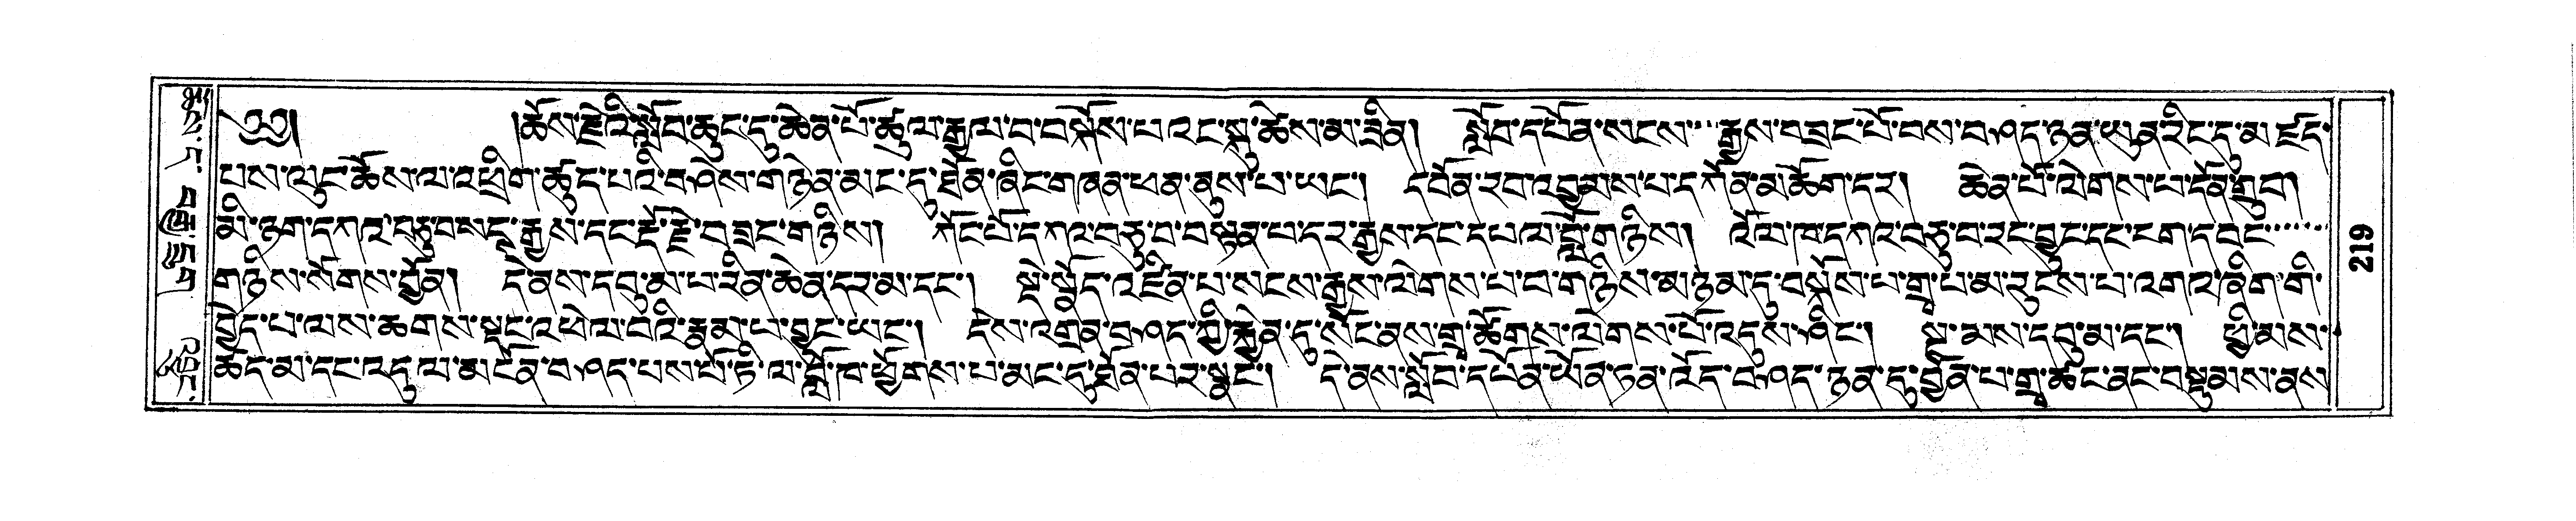༄༅། །ཆོས་རྗེའི་སློབ་ཆུང་དུ་ཆེན་པོ་ཚུལ་རྒྱལ་བ་བསྐོས་པའང་སྐུ་ཚེས་མ་ཟིན། སློབ་དཔོན་སངས་རྒྱས་བཟང་པོ་བས་བཤད་ཉན་ཡུན་རིང་དུ་མཛད་
པས་ལུང་ཆོས་ལ་འཕྲིག་ཚུད་པའི་བཤེས་གཉེན་མང་དུ་ཐོན་ཞིང་གཞན་ཕན་ནུས་པ་ཡང་། དབོན་རབ་འབྱམས་པ་དཀོན་མཆོག་དར། ཆེན་པོ་ལེགས་པ་དོན་གྲུབ།
མི་ཉག་དཀའ་བཅུ་བ་སངས་རྒྱས་དང་རྡོ་རྗེ་བཟང་གཉིས། ཀོང་པོ་དཀའ་བཅུ་བ་བསྟན་པ་དར་རྒྱས་དང་དཔལ་བློ་གཉིས། འོལ་ཁ་དཀའ་བཅུ་བ་རང་བྱུང་དང་ངག་དབང་
གཉིས་སོགས་བྱོན། དེ་ནས་དབུ་མ་པ་རིན་ཆེན་དར་མ་དང་། སྡེ་སྣོད་འཛིན་པ་སངས་རྒྱས་ལེགས་པ་བ་གཉིས་མཉམ་དུ་བསྐོས་པ་གྲྭ་པ་མ་རུངས་པ་འགའ་ཞིག་གི་
བྱེད་པ་ལས་ཆགས་སྡང་འཕེལ་བའི་རྣམ་པ་བྱུང་ཡང་། དེས་འགྲན་བཤད་ཀྱི་རྐྱེན་དུ་སོང་ནས་གྲྭ་ཚོགས་ལེགས་པོ་འདུས་ཤིང་། སྔ་མས་དབུ་མ་དང་། ཕྱི་མས་
ཚད་མ་དང་འདུལ་མངོན་བཤད་པས་པོ་ཏི་ལ་བློ་ཁ་ཕྱོགས་པ་མང་དུ་ཐོན་པར་སྣང་། དེ་ནས་སློབ་དཔོན་ཡོན་ཏན་འོད་བཤད་ཉན་དུ་བྱོན་པ་གྲྭ་ཚང་ནང་བསྡུམས་ནས་